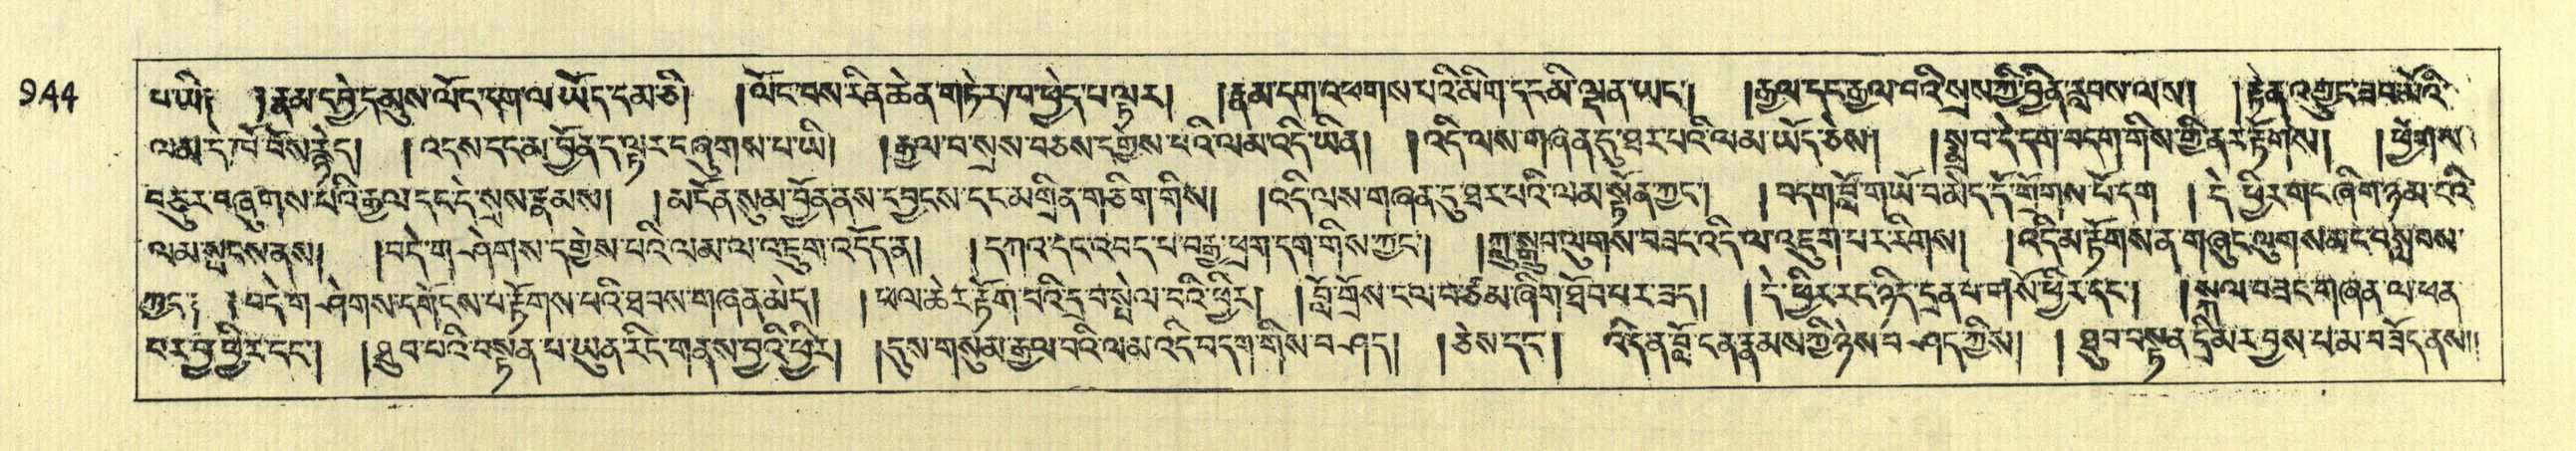པ་ཡི༑ །རྣམ་དབྱེད་མུས་ལོང་དག་ལ་ཡོད་དམ་ཅི། །ལོང་བས་རིན་ཆེན་གཏེར་ཁ་ཕྱེད་པ་ལྟར། །རྣམ་དག་འཕགས་པའི་མིག་དང་མི་ལྡན་ཡང་། །རྒྱལ་དང་རྒྱལ་བའི་སྲས་ཀྱི་བྱིན་རླབས་ལས། །རྟེན་འགྱུང་ཟབ་མོའི་
ལམ་དེ་ཁོ་བོས་རྙེད། །འདས་དང་མ་བྱོན་ད་ལྟར་བཞུགས་པ་ཡི། །རྒྱལ་བ་སྲས་བཅས་དགྱེས་པའི་ལམ་འདི་ཡིན། །འདི་ལས་གཞན་དུ་ཐར་པའི་ལམ་ཡོད་ཅེས། །སྨྲ་བ་དེ་དག་བདག་གིས་གྱི་ནར་རྟོགས། །ཕྱོགས་
བཅུར་བཞུགས་པའི་རྒྱལ་དང་དེ་སྲས་རྣམས། །མངོན་སུམ་བྱོན་ནས་དབྱངས་དང་མགྲིན་གཅིག་གིས། །འདི་ལས་གཞན་དུ་ཐར་པའི་ལམ་སྟོན་ཀྱང་། །བདག་བློ་གཡོ་བ་མེད་དོ་གྲོགས་པོ་དག །དེ་ཕྱིར་གང་ཞིག་ཉམ་ངའི་
ལམ་སྤངས་ནས། །བདེ་གཤེགས་དགྱེས་པའི་ལམ་ལ་འཇུག་འདོད་ན། །དཀའ་དང་འབད་པ་བརྒྱ་ཕྲག་དག་གིས་ཀྱང་། །ཀླུ་སྒྲུབ་ལུགས་བཟང་འདི་ལ་འཇུག་པར་རིགས། །འདི་མ་རྟོགས་ན་གཞུང་ལུགས་མང་བསླབས་
ཀྱང༑ ༑བདེ་གཤེགས་དགོངས་པ་རྟོགས་པའི་ཐབས་གཞན་མེད། །ཕལ་ཆེར་རྟོག་པའི་དྲ་བ་སྤེལ་བའི་ཕྱིར། །བློ་གྲོས་ངལ་བ་ཙམ་ཞིག་ཐོབ་པར་ཟད། །དེ་ཕྱིར་རང་ཉིད་དྲན་པ་གསོ་ཕྱིར་དང་། །སྐལ་བཟང་གཞན་ལ་ཕན་
བར་བྱ་ཕྱིར་དང་། །ཐུབ་པའི་བསྟན་པ་ཡུན་རིང་གནས་བྱའི་ཕྱིར། །དུས་གསུམ་རྒྱལ་བའི་ལམ་འདི་བདག་གིས་བཤད། །ཅེས་དང་། འདི་ན་བློ་ངན་རྣམས་ཀྱི་ཉེས་བཤད་ཀྱིས། །ཐུབ་བསྟན་དྲི་མར་བྱས་པ་མ་བཟོད་ནས། །